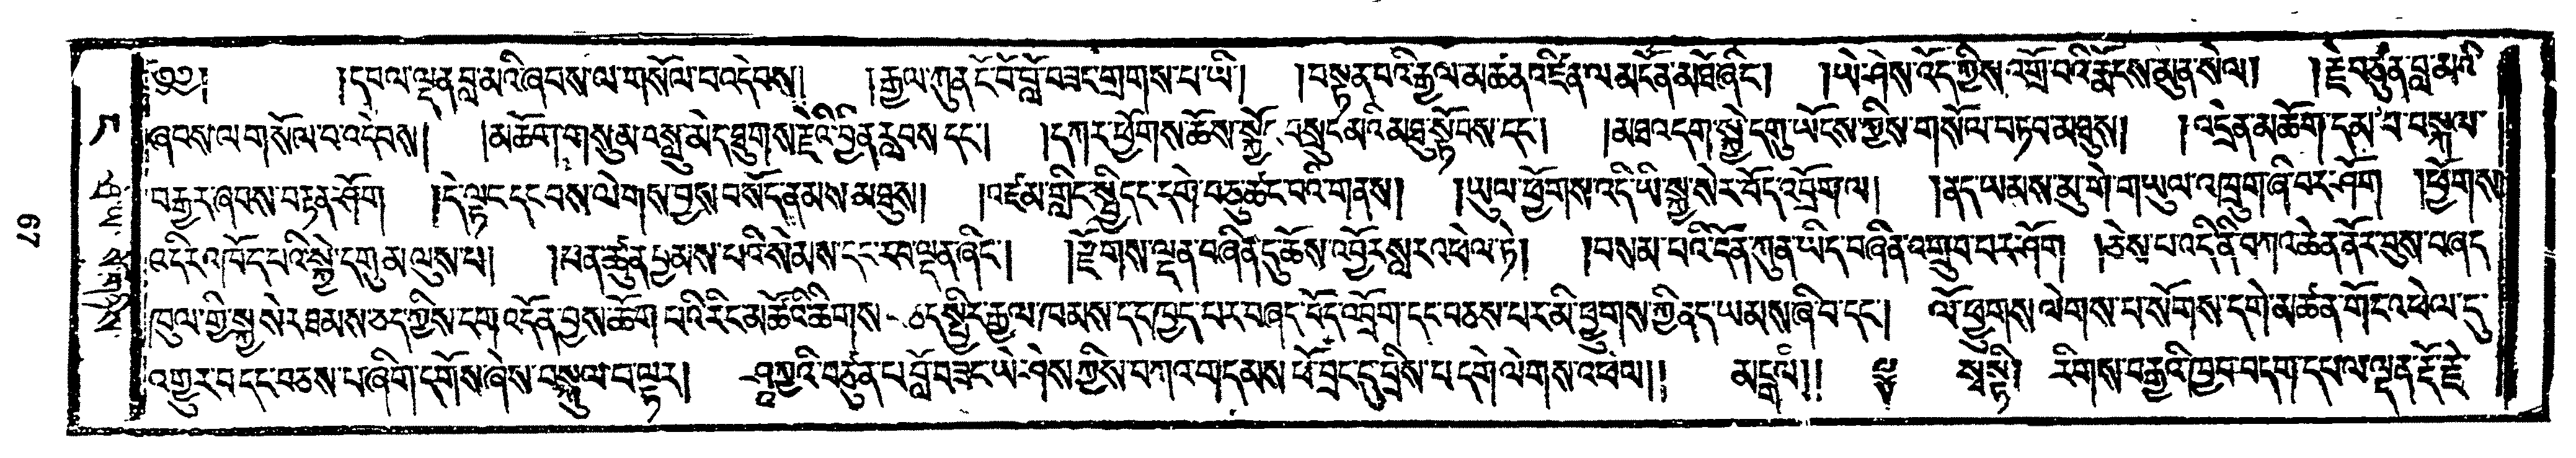༄༅། །དཔལ་ལྡན་བླ་མའི་ཞབས་ལ་གསོལ་བ་འདེབས། །རྒྱལ་ཀུན་ངོ་བོ་བློ་བཟང་གྲགས་པ་ཡི། །བསྟན་པའི་རྒྱལ་མཚན་འཛིན་ལ་མངོན་མཐོ་ཞིང་། །ཡེ་ཤེས་འོད་ཀྱིས་འགྲོ་བའི་རྨོངས་མུན་སེལ། །རྗེ་བཙུན་བླ་མའི་
ཞབས་ལ་གསོལ་བ་འདེབས། །མཆོག་གསུམ་བསླུ་མེད་ཐུགས་རྗེའི་བྱིན་རླབས་དང་། །དཀར་ཕྱོགས་ཆོས་སྐྱོང་བསྲུང་མའི་མཐུ་སྟོབས་དང་། །མཐའ་དག་སྐྱེ་དགུ་ཡོངས་ཀྱིས་གསོལ་བཏབ་མཐུས། །འདྲེན་མཆོག་དམ་པ་བསྐལ་
བརྒྱར་ཞབས་བརྟན་ཤོག །དེ་ལྟང་དང་བས་ལེགས་བྱས་བསོད་ནམས་མཐུས། །འཛམ་གླིང་སྦྱི་དང་དགེ་བཅུ་ཚང་བའི་གནས། །ཡུལ་ཕྱོགས་འདི་ཡི་སྐྱ་སེར་བོད་འབྲོག་ལ། །ནད་ཡམས་མུ་གེ་གཡུལ་འཁྲུག་ཞི་བར་ཤོག། །ཕྱོགས་
འདིར་འཁོད་པའི་སྐྱེ་དགུ་མ་ལུས་པ། །པན་ཚུན་བྱམས་པའི་སེམས་དང་རབ་ལྡན་ཞིང་། །རྫོགས་ལྡན་བཞིན་དུ་ཆོས་འབྱོར་སླར་འཕེལ་ཏེ། །བསམ་པའི་དོན་ཀུན་ཡིད་བཞིན་འགྲུབ་བར་ཤོག །ཅེས་པ་འདི་ནི་བཀའ་ཆེན་ནོར་བུས་བཞད་
ཁུལ་གྱི་སྐྱ་སེར་ཐམས་ཅད་ཀྱིས་ངག་འདོན་བྱས་ཆོག་པའི་རིང་མཚོའི་ཚིགས་བཅད་སྤྱིར་རྒྱལ་ཁམས་དང་ཁྱད་པར་བཞད་བོད་འབྲོག་དང་བཅས་པར་མི་ཕྱུགས་ཀྱི་ནད་ཡམས་ཞི་བ་དང་། ལོ་ཕྱུགས་ལེགས་པ་སོགས་དགེ་མཚན་གོང་འཕེལ་དུ་
འགྱུར་བ་དང་བཅས་པ་ཞིག་དགོས་ཞེས་བསྐུལ་བ་ལྟར། ཤཱཀྱའི་བཙུན་པ་བློ་བཟང་ཡེ་ཤེས་ཀྱིས་བཀའ་གདམས་ཕོ་བྲང་དུ་བྲིས་པ་དགེ་ལེགས་འཕལ། །མངྒལཾ། ། ༈ སྭསྟི། རིགས་བརྒྱའི་ཁྱབ་བདག་དཔལ་ལྡན་རྡོ་རྗེ་